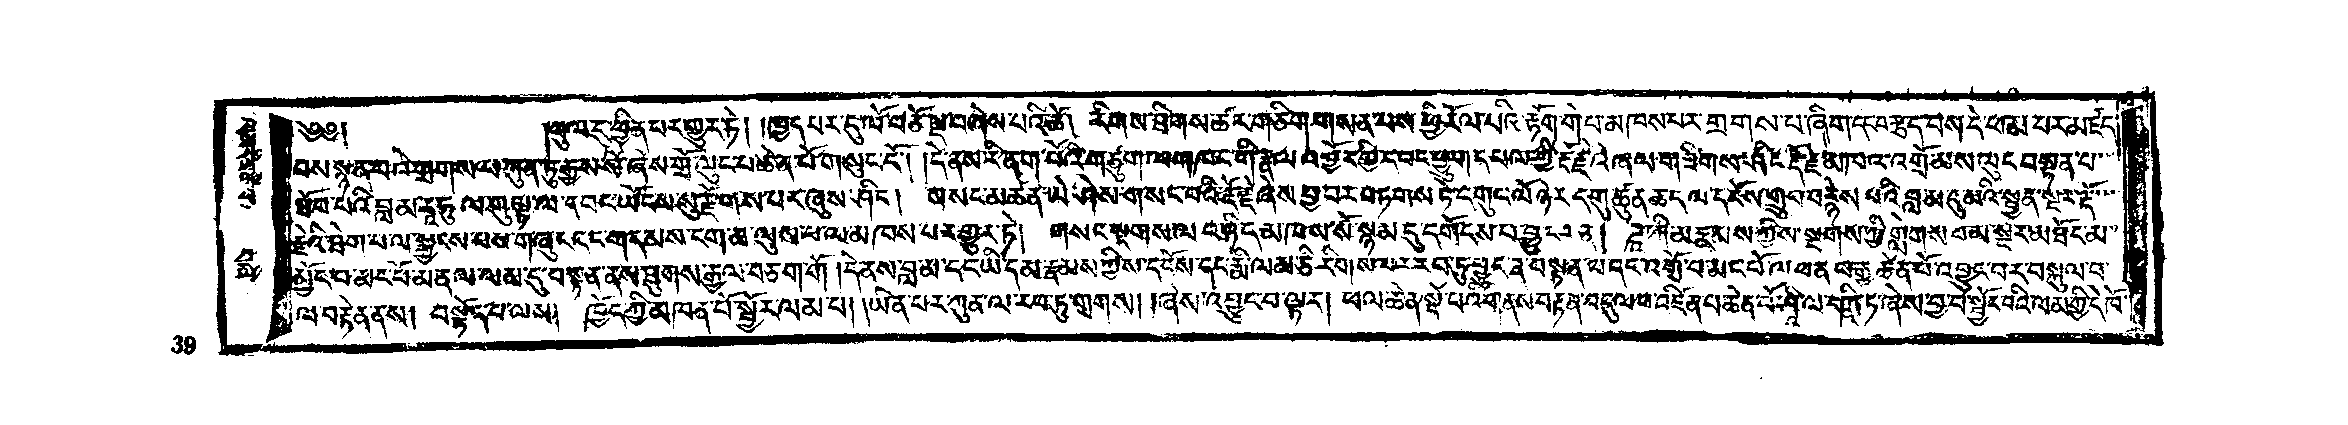༄༅། །ཕུལ་དུ་ཕྱིན་པར་གྱུར་ཏོ། །ཁྱད་པར་དུ་ལོ་བཅོ་ལྔ་བཞེས་པའི་ཚེ། རིགས་ཐིགས་ཚར་གཅིག་གསན་པས་ཕྱི་རོལ་པའི་རྟོག་གེ་པ་མཁས་པར་གྲགས་པ་ཞིག་དང་བརྩད་པས་དེ་ཕམ་པར་མཛད་
པས་སྙན་པའི་གྲགས་པ་ཀུན་ཏུ་རྒྱས་སོ་ཞེས་གྲོ་ལུང་པ་ཆེན་པོ་གསུང་ངོ། །དེ་ནས་རི་ནག་པོའི་གཙུག་ལག་ཁང་གི་རྣལ་འབྱོར་གྱི་དབང་ཕྱུག་དཔལ་ཀྱཻ་རྡོ་རྗེའི་ཞལ་གཟིགས་ཤིང་རྡོ་རྗེ་མཁའ་འགྲོ་མས་ལུང་བསྟན་པ་
ཐོབ་པའི་བླ་མ་རཱ་ཧུ་ལ་གུཔྟ་ལ་དབང་ཡོངས་སུ་རྫོགས་པར་ཞུས་ཤིང་། གསང་མཚན་ཡེ་ཤེས་གསང་བའི་རྡོ་རྗེ་ཞེས་བྱ་བར་བཏགས་ཏེ་དགུང་ལོ་ཉེར་དགུ་ཚུན་ཆད་ལ་དངོས་གྲུབ་བརྙེས་པའི་བླ་མ་དུ་མའི་སྤྱན་སྔར་རྡོ་
རྗེའི་ཐེག་པ་ལ་སྦྱངས་པས་གཞུང་དང་གདམས་ངག་མ་ལུས་པ་ལ་མཁས་པར་གྱུར་ཏེ། གསང་སྔགས་ལ་ང་ཉིད་མཁས་སོ་སྙམ་དུ་དགོངས་པ་བྱུང་བ་ན། ཌཱ་ཀི་མ་རྣམས་ཀྱིས་སྔགས་ཀྱི་གླེགས་བམ་སྔར་མཐོང་མ་
མྱོང་བ་མང་པོ་མནལ་ལམ་དུ་བསྟན་ནས་ཐུགས་རྒྱལ་བཅག་གོ །དེ་ནས་བླ་མ་དང་ཡི་དམ་རྣམས་ཀྱིས་དངོས་དང་རྨི་ལམ་ཅི་རིགས་པར་རབ་ཏུ་བྱུང་ན་བསྟན་པ་དང་འགྲོ་བ་མང་པོ་ལ་ཕན་པ་རྒྱ་ཆེན་པོ་འབྱུང་བར་བསྐུལ་བ་
ལ་བརྟེན་ནས། བསྟོད་པ་ལས། ཁྱོད་ཀྱི་མཁན་པོ་སྦྱོར་ལམ་པ། །ཡིན་པར་ཀུན་ལ་རབ་ཏུ་གྲགས། །ཞེས་འབྱུང་བ་ལྟར། ཕལ་ཆེན་སྡེ་པའི་གནས་བརྟན་འདུལ་བ་འཛིན་པ་ཆེན་པོ་ཤཱི་ལ་རཀྵི་ཏ་ཞེས་བྱ་བ་སྦྱོར་བའི་ལམ་གྱི་དེ་ཁོ་